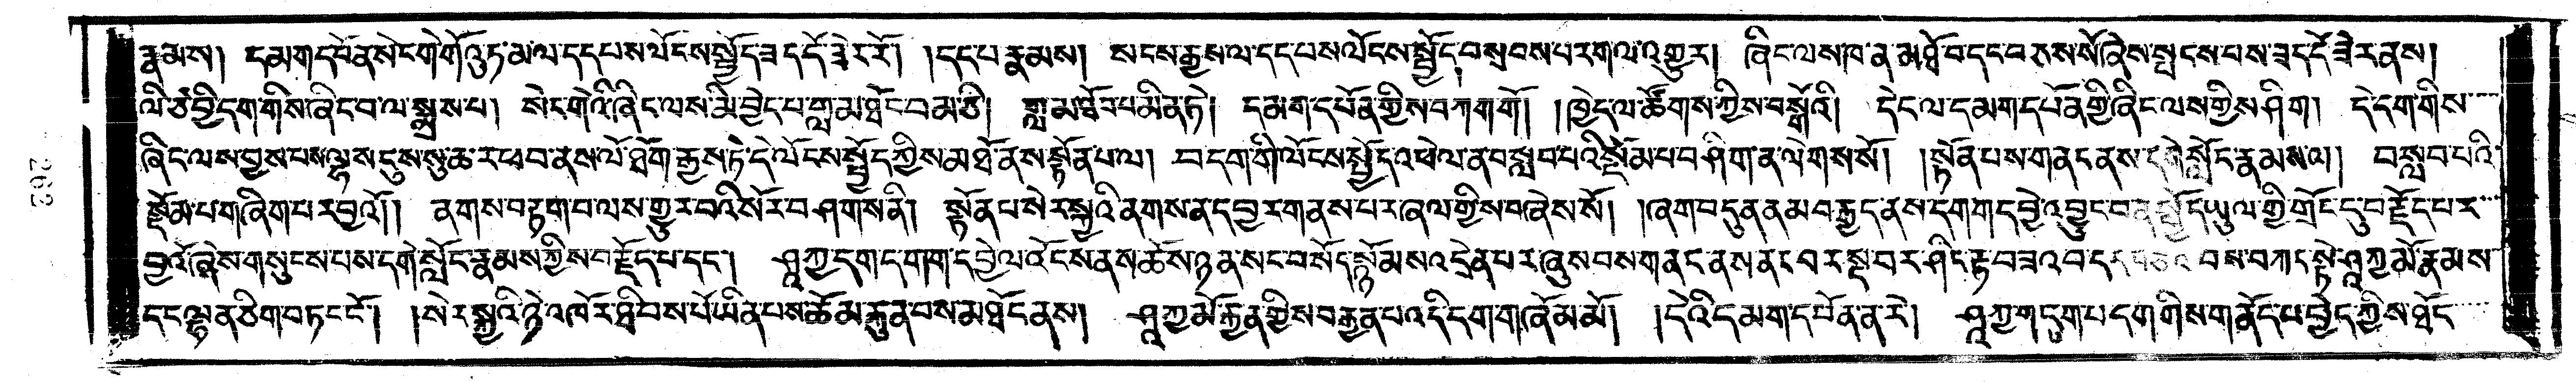རྣམས། དམག་དཔོན་སེང་གེ་གོའུ་ཏ་མལ་དད་པས་ལོངས་སྤྱོད་ཟད་དོ་ཟེར་རོ། །དད་པ་རྣམས། སངས་རྒྱས་ལ་དད་པས་ལོངས་སྤྱོད་བསྲབས་པར་ག་ལ་འགྱུར། ཞིང་ལས་ཁ་ན་མཐོ་བ་དང་བཅས་སོ་ཞེས་སྤངས་པས་ཟད་དོ་ཟེར་ནས།
ལི་ཙ་བྱི་དག་གིས་ཞིང་བ་ལ་སྨྲས་པ། སེང་གེའི་ཞིང་ལས་མི་བྱེད་པ་གླ་མཐོང་བམ་ཅི། གླ་མ་ཐོབ་པ་མིན་ཏེ། དམག་དཔོན་གྱིས་བཀག་གོ། །ཁྱེད་ལ་ཚོགས་ཀྱིས་བསྒོའི། དེང་ལ་དམག་དཔོན་གྱི་ཞིང་ལས་གྱིས་ཤིག། དེ་དག་གིས་
ཞིང་ལས་བྱས་པས་ལྷས་དུས་སུ་ཆ་ར་ཕབ་ནས་ལོ་ཐོག་རྒྱས་ཏེ་དེ་ལོངས་སྤྱོད་ཀྱིས་མཐོ་ནས་སྟོན་པ་ལ། བདག་གི་ལོངས་སྤྱོད་འཕེལ་ན་བསླབ་པའི་སྡོམ་པ་བཤིག་ན་ལེགས་སོ། །སྟོན་པས་གནང་ནས་དགེ་སློང་རྣམས་ལ། བསླབ་པའི་
སྡོམ་པ་གཞིག་པར་བྱའོ། །ནགས་བརྟག་པ་ལས་གྱུར་པའི་སོར་བཤགས་ནི། སྟོན་པ་སེར་སྐྱའི་ནགས་ན་དབྱར་གནས་པར་ཞལ་གྱིས་བཞེས་སོ། །ཞག་བདུན་ནམ་བརྒྱད་ནས་དགག་དབྱེ་འབྱུང་བ་ན་སྤྱོད་ཡུལ་གྱི་གྲོང་དུ་བརྗོད་པར་
བྱའོ་ཞེས་གསུངས་པས་དགེ་སློང་རྣམས་ཀྱིས་བརྗོད་པ་དང་། ཤཱཀྱ་དག་དགག་དབྱེ་ལ་འོངས་ནས་ཆོས་ཉན་སང་བསོད་སྙོམས་འདྲེན་པར་ཞུས་པས་གནང་ནས་ནང་བར་སྔ་བར་ཤིང་རྟ་བཟའ་བ་དང་བཅའ་བས་བཀང་སྟེ་ཤཱཀྱ་མོ་རྣམས་
དང་ལྷན་ཅིག་བཏང་ངོ། །སེར་སྐྱའི་ཉེ་འཁོར་ཐིབས་པོ་ཡིན་པས་ཆོམ་རྐུན་པས་མཐོང་ནས། ཤཱཀྱ་མོ་རྐྱན་གྱིས་བརྒྱན་པ་འདི་དག་གཞོམ་མོ། །དེའི་དམག་དཔོན་ན་རེ། ཤཱཀྱ་གདུག་པ་དག་གིས་གནོད་པ་བྱེད་ཀྱིས་ཐོང་